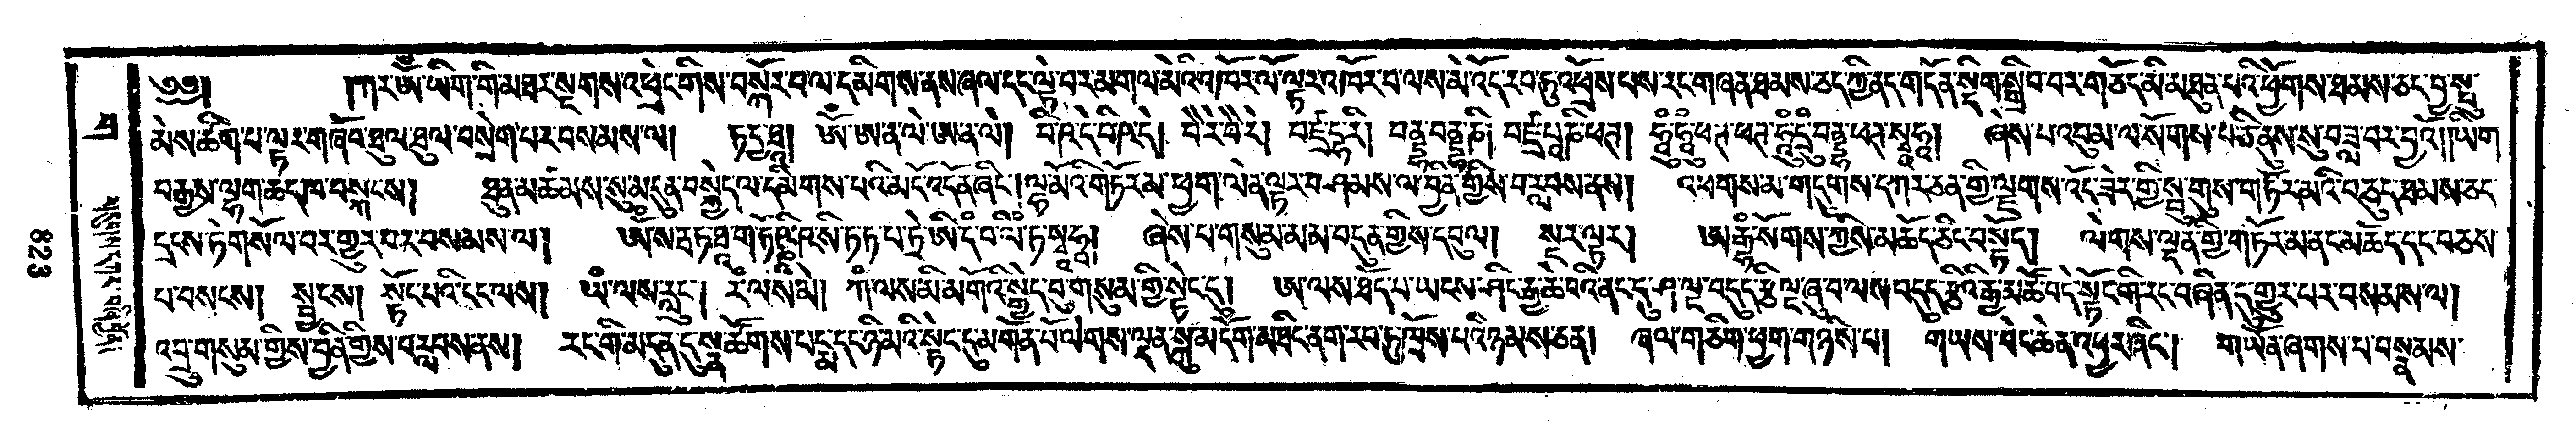༄༅། །ཀར་ཨོཾ་ཡིག་གི་མཐར་སྔགས་འཕྲེང་གིས་བསྐོར་བ་ལ་དམིགས་ནས་ཞལ་དང་ལྟེ་བར་མགལ་མེའི་འཁོར་ལོ་ལྟར་འཁོར་བ་ལས་མེ་འོད་རབ་ཏུ་འཕྲོས་པས་རང་གཞན་ཐམས་ཅད་ཀྱི་ནད་གདོན་སྡིག་སྒྲིབ་བར་གཅོད་མི་མཐུན་པའི་ཕྱོགས་ཐམས་ཅད་བྱ་སྤུ་
མེས་ཚིག་པ་ལྟར་གཞོབ་ཐུལ་ཐུལ་བསྲེག་པར་བསམས་ལ། ཏ་དྱ་ཐཱ། ཨོཾ་ཨ་ན་ལེ་ཨ་ན་ལེ། བི་ཥ་དེ་བི་ཥ་དེ། བཻ་རེ་བཻ་རེ། བཛྲ་དྷ་རི། བནྡྷ་བནྡྷ་ཎི། བྫྲ་པཱ་ཎི་ཕཊ། ཧཱུཾ་ཧཱུཾ་ཕཊ་ཕཊ་ཧཱུཾ་དྲུཾ་བནྡྷ་ཕཊ་སྭཱ་ཧཱ། ཞེས་པ་འབུམ་ལ་སོགས་པ་ཅི་ནུས་སུ་བཟླ་བར་བྱའོ། །ཡིག་
བརྒྱས་ལྷག་ཆད་ཁ་བསྐངས། ཐུན་མཚམས་སུ་མདུན་བསྐྱེད་ལ་དམིགས་པའི་མངོ་འདོན་ཞིང་། ལྷ་མོའི་གཏོར་མ་ཕྱག་ལེན་ལྟར་བཤམས་ལ་བྱིན་གྱིས་བརླབས་ནས། འཕགས་མ་དུགས་དཀར་ཅན་གྱི་ལྗགས་འོད་ཟེར་གྱི་སྦུ་གུས་གཏོར་མའི་བཅུད་ཐམས་ཅད་
དྲངས་ཏེ་གསོལ་བར་གྱུར་བར་བསམས་ལ། ཨོཾ་སརྦ་ཏ་ཐཱ་ག་ཏོ་ཥྞཱི་ཥ་སི་ཏ་ཏ་པ་ཏྲེ་ཨི་དཾ་བ་ལིཾ་ཏ་སྭཱ་ཧཱ། ཞེས་པ་གསུམ་མ་མ་བདུན་གྱིས་དབུལ། སྔར་ལྟར། ཨ་རྒྷཾ་སོགས་ཀྱིས་མཆོད་ཅིང་བསྟོད། ལེགས་ལྡན་གྱི་གཏོར་མ་ནང་མཆོད་དང་བཅས་
པ་བསངས། སྦྱངས། སྟོང་པའི་ངང་ལས། ཡཾ་ལས་རླུང་། རཾ་ལས་རླུང་། རཾ་ལས་མེ། ཀཾ་ལས་མི་མགོའི་སྒྱེད་བུ་གསུམ་གྱི་སྟེང་དུ། ཨ་ལས་ཐོད་པ་ཡངས་ཤིང་རྒྱ་ཆེ་བའི་ནང་དུ་ཤ་ལྔ་བདུད་རྩི་ལྔ་ཞུ་བ་ལས་བདུད་རྩིའི་རྒྱ་མཚོ་བདེ་སྟོང་གི་རང་བཞིན་དུ་གྱུར་པར་བསམས་ལ།
འབྲུ་གསུམ་གྱིས་བྱིན་གྱིས་བརླབས་ནས། རང་གི་མདུན་དུ་སྣ་ཚོགས་པདམ་དང་ཉི་མའི་སྟེང་དུ་མགོན་པོ་ལེགས་ལྡན་སྐུ་མདོག་མཐིང་ནག་རབ་ཏུ་ཁྲོས་པའི་ཉམས་ཅན། ཞལ་གཅིག་ཕྱག་གཉིས་པ། གཡས་བེང་ཆེན་འཕྱར་ཞིང་། གཡོན་ཞགས་པ་བསྣམས་